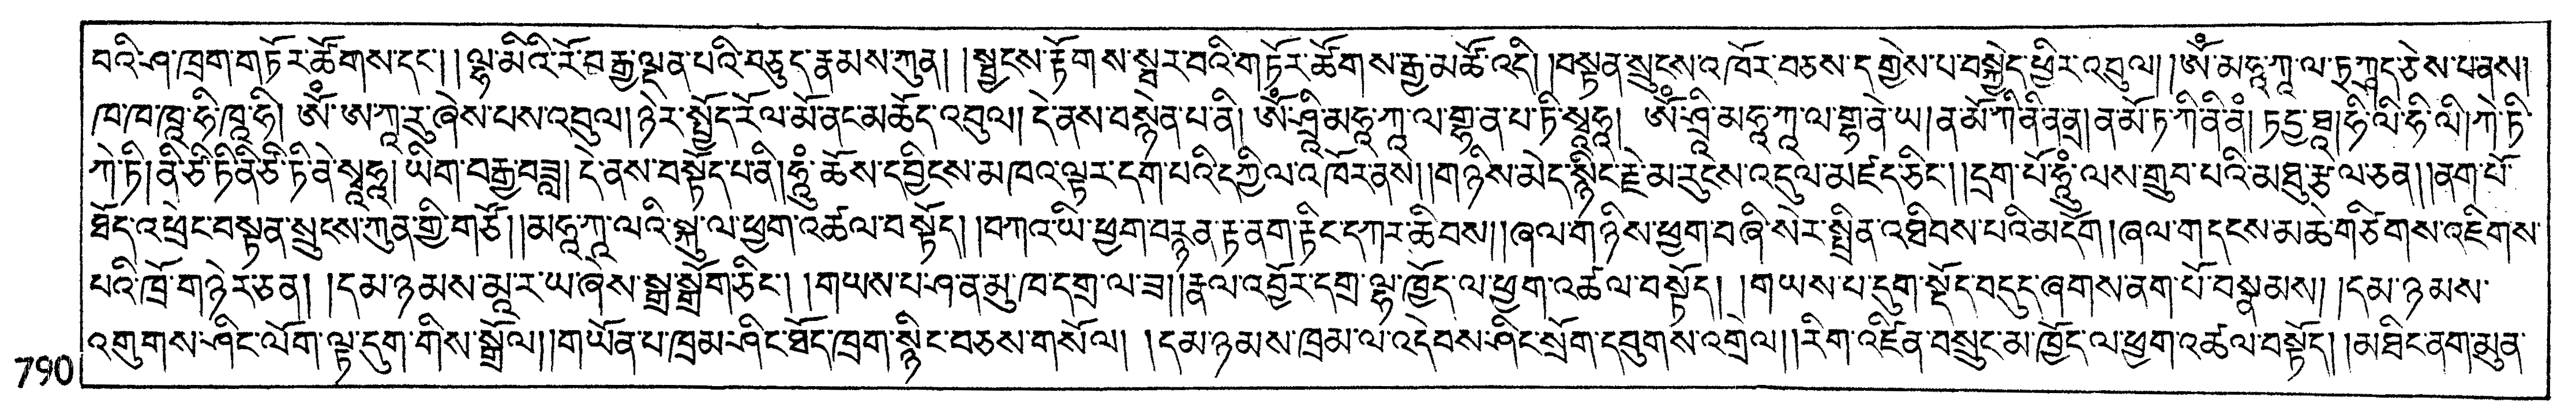བའི་ཤ་ཁྲག་གཏོར་ཚོགས་དང་། །ལྷ་མིའི་རོ་བརྒྱ་ལྡན་པའི་བཅུད་རྣམས་ཀུན། །སྦྱངས་རྟོགས་སྦར་བའི་གཏོར་ཚོགས་རྒྱ་མཚོ་འདི། །བསྟན་སྲུངས་འཁོར་བཅས་དགྱེས་པ་བསྐྱེད་ཕྱིར་འབུལ། །ཨོཾ་མཧཱ་ཀཱ་ལ་ཏྲཀྴད་ཅེས་པ་ནས།
ཁ་ཁ་ཁཱ་ཧི་ཁཱ་ཧི། ཨོཾ་ཨ་ཀཱ་རུ་ཞེས་པས་འབུལ། ཉེར་སྤྱོད་རོལ་མོ་ནང་མཆོད་འབུལ། དེ་ནས་བསྙེན་པ་ནི། ཨོཾ་ཤྲཱི་མཧཱ་ཀཱ་ལ་གྷ་ན་པ་ཏི་སྭཱཧཱ། ཨོཾ་ཤྲཱི་མཧཱ་ཀཱ་ལ་གྷ་ནེ་ཡ། ན་མོ་ཀི་ནི་ན་ནྲ། ན་མོ་ཏ་ཀི་ནི་ནཾ། ཏདྱ་ཐཱ། ཧི་ལི་ཧི་ལི། ཀེ་ཏི་
ཀེ་ཏི། ནི་ཙི་ཏི་ནི་ཙི་ཏི་ནེ་སྭཱ་ཧཱ། ཡིག་བརྒྱ་བཟླ། དེ་ནས་བསྟོད་པ་ནི། ཧཱུཾ་ཆོས་དབྱིངས་མཁའ་ལྟར་དག་པའི་དཀྱིལ་འཁོར་ནས། །གཉིས་མེད་སྙིང་རྗེ་མ་རུངས་འདུལ་མཛད་ཅིང་། །དྲག་པོ་ཧཱུཾ་ལས་གྲུབ་པའི་མཐུ་རྩལ་ཅན། །ནག་པོ་
ཐོད་འཕྲེང་བསྟན་སྲུངས་ཀུན་གྱི་གཙོ། །མཧཱ་ཀཱ་ལའི་སྐུ་ལ་ཕྱག་འཚལ་བསྟོད། །བཀའ་ཡི་ཕྱག་བརྙན་རྟ་ནག་རྟིང་དཀར་ཆིབས། །ཞལ་གཉིས་ཕྱག་བཞི་སེར་སྤྲིན་འཐིབས་པའི་མདོག །ཞལ་གདངས་མཆེ་གཙིགས་འཇིགས་
པའི་ཁྲོ་གཉེར་ཅན། །དམ་ཉམས་མཱ་ར་ཡ་ཞེས་སྒྲ་སྒྲོག་ཅིང་། །གཡས་པ་ཤ་ན་མུ་ཁ་དགྲ་ལ་ཟ། །རྣལ་འབྱོར་དགྲ་ལྷ་ཁྱོད་ལ་ཕྱག་འཚལ་བསྟོད། །གཡས་པ་དུག་སྡོད་བདུད་ཞགས་ནག་པོ་བསྣམས། །དམ་ཉམས་
འགུགས་ཤིང་ལོག་ལྟ་དུག་གིས་སྒྲོལ། །གཡོན་པ་ཁྲམ་ཤིང་ཐོད་ཁྲག་སྙིང་བཅས་གསོལ། །དམ་ཉམས་ཁྲམ་ལ་འདེབས་ཤིང་སྲོག་དབུགས་འགྲེལ། །རིག་འཛིན་བསྲུང་མ་ཁྱོད་ལ་ཕྱག་འཚལ་བསྟོད། །མཐིང་ནག་མུན་